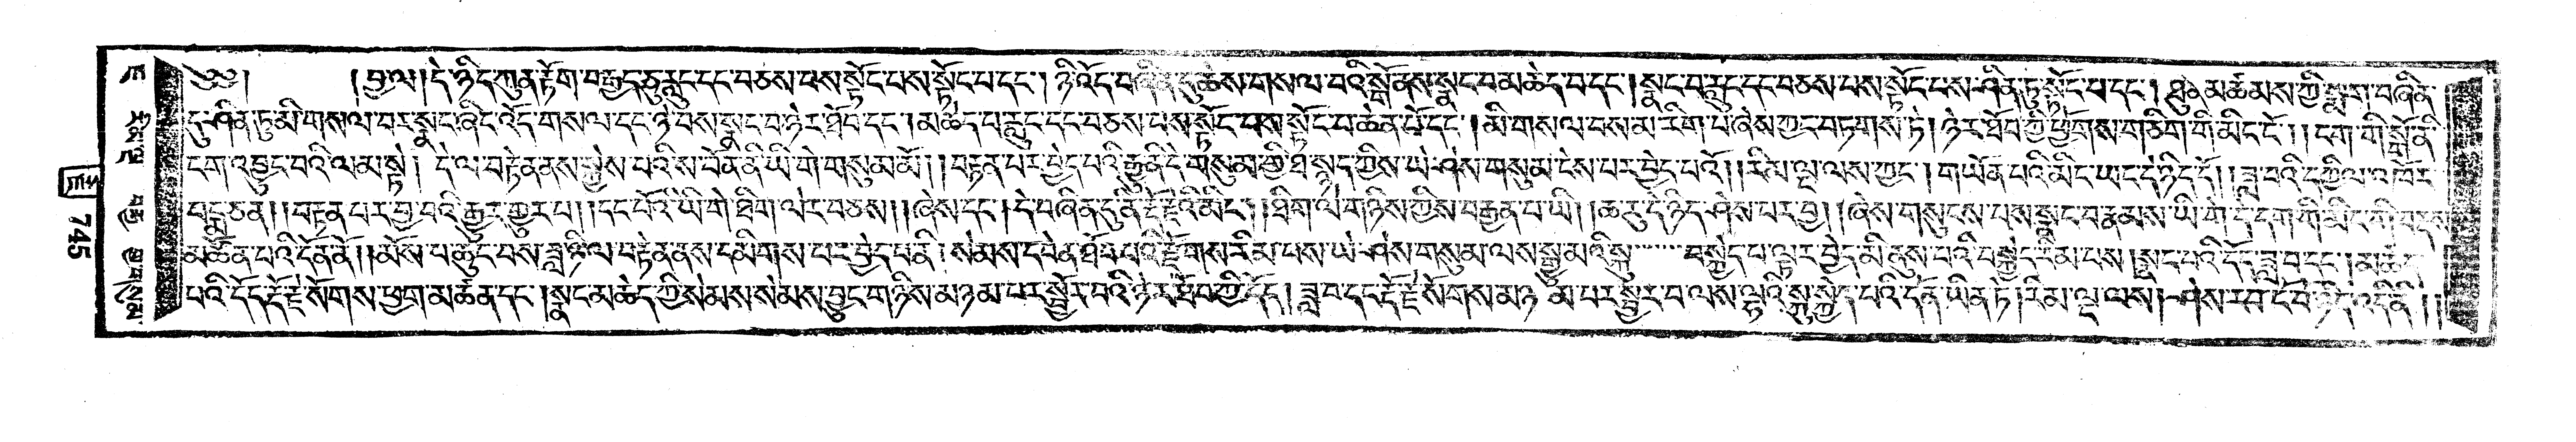༄༅། །བྱ་ལ། དེ་ཉིད་ཀུན་རྟོག་བརྒྱད་ཅུ་རླུང་དང་བཅས་པས་སྟོང་པས་སྟོང་པ་དང་། ཉི་འོད་བཞིན་དུ་ཆེས་གསལ་བའི་སྒོ་ནས་སྣང་བ་མཆེད་པ་དང་། སྣང་བ་རླུང་དང་བཅས་པས་སྟོང་པས་ཤིན་ཏུ་སྟོང་པ་དང་། ཐུན་མཚམས་ཀྱི་སྨག་བཞིན་
དུ་ཤིན་ཏུ་མི་གསལ་བར་སྣང་ཞིང་འོད་གསལ་དང་ཉེ་བས་སྣང་བ་ཉེར་ཐོབ་དང་། མཆེད་པ་རླུང་དང་བཅས་པས་སྟོང་པས་སྟོང་པ་ཆེན་པོ་དང་། མི་གསལ་བས་མ་རིག་པ་ཞེས་ཀྱང་བཏགས་ཏེ། ཉེར་ཐོབ་ཀྱི་ཕྱོགས་གཅིག་གི་མིང་ངོ། །ངག་གི་སྒོ་ནི་
ངག་འབྱུང་བའི་ལམ་སྟེ། དེ་ལ་བརྟེན་ནས་སྐྱེས་པའི་ས་བོན་ནི་ཡི་གེ་གསུམ་མོ། །བརྟན་པར་བྱེད་པའི་རྒྱུ་ནི་དེ་གསུམ་གྱི་ཐ་སྙད་ཀྱིས་ཡེ་ཤེས་གསུམ་ངེས་པར་བྱེད་པའོ། །རིམ་ལྔ་ལས་ཀྱང་། གཡོན་པའི་མིང་ཡང་དེ་ཉིད་དོ། །ཟླ་བའི་དཀྱིལ་འཁོར་
པདམ་ཅན། །བརྟན་པར་བྱ་བའི་རྒྱུར་གྱུར་པ། །དང་པོའི་ཡི་གེ་ཐིག་ལེར་བཅས། །ཞེས་དང་། དེ་བཞིན་དུ་ནི་རྡོ་རྗེའི་མིང་། །ཐིག་ལེ་གཉིས་ཀྱིས་བརྒྱན་པ་ཡི། །ཆ་རུ་དེ་ཉིད་ཤེས་པར་བྱ། །ཞེས་གསུངས་པས་སྣང་བ་རྣམས་ཡི་གེ་དེ་དག་གི་མིང་གི་བརྡས་
མཚོན་པའི་དོན་ནོ། །མོས་པ་ཆུང་བས་ཟླ་ཉི་ལ་བརྟེན་ནས་དམིགས་པར་བྱེད་པ་ནི། སེམས་དབེན་ཐོབ་པའི་རྫོགས་རིམ་པས་ཡེ་ཤེས་གསུམ་ལས་སྒྱུ་མའི་སྐུ་བསྐྱེད་པ་ལྟར་བྱེད་མི་ནུས་པའི་བསྐྱེད་རིམ་པས། སྣང་བའི་དོད་ཟླ་བ་དང་། མཆེད་
པའི་དོད་རྡོ་རྗེ་སོགས་ཕྱག་མཚན་དང་། སྣང་མཆེད་ཀྱི་སེམས་སེམས་བྱུང་གཉིས་མཉམ་པར་སྦྱོར་བའི་ཉེར་ཐོབ་ཀྱི་དོད། ཟླ་བ་དང་རྡོ་རྗེ་སོགས་མཉམ་པར་སྦྱར་བ་ལས་ལྷའི་སྐུ་སྐྱེད་པའི་དོན་ཡིན་ཏེ། རིམ་ལྔ་ལས། ཤེས་རབ་ངོ་བོ་ཉིད་འདི་ནི། །